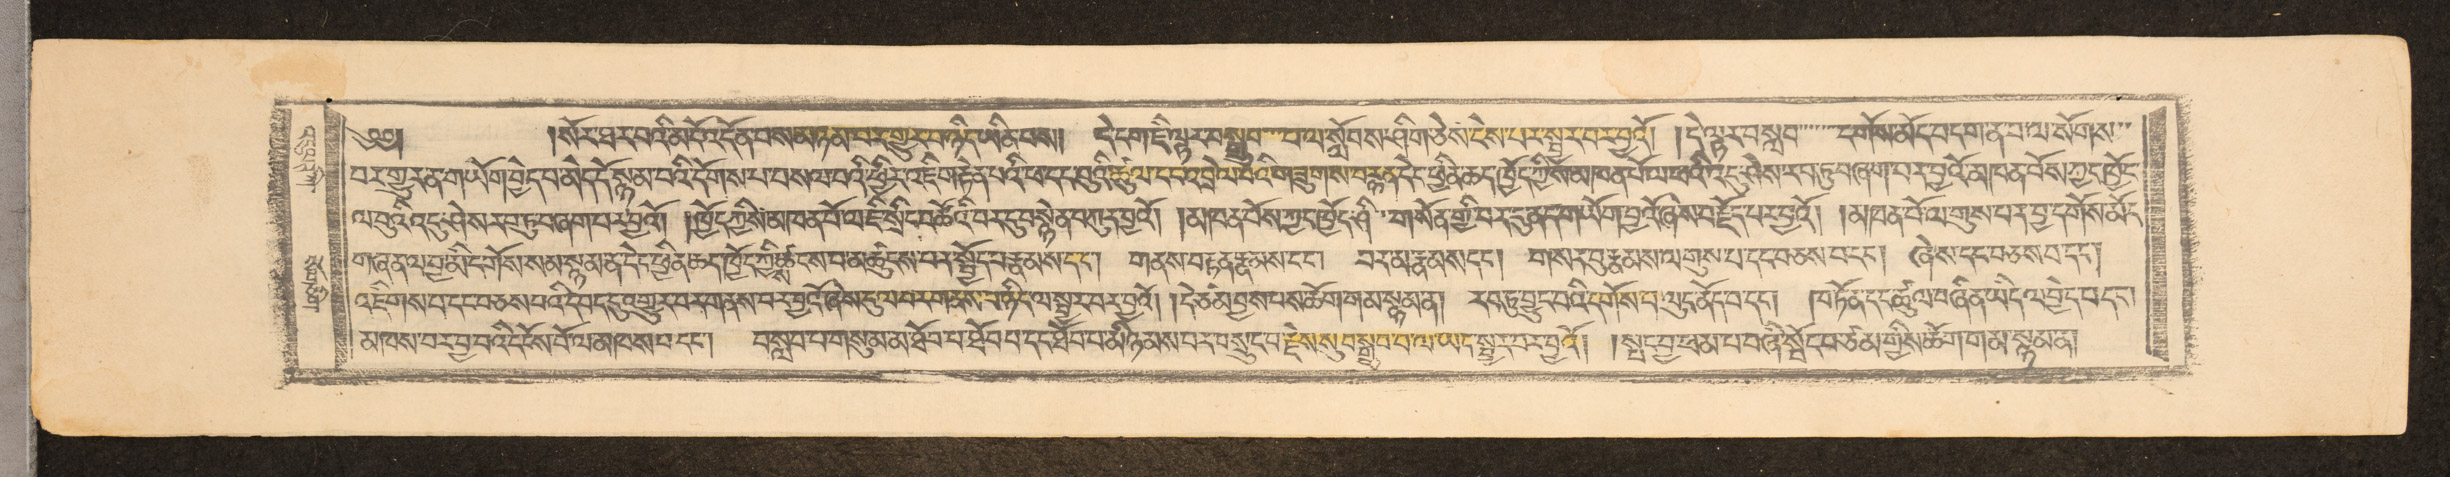༄༅། །སོར་ཐར་བའི་མདོ་འདོན་པས་མཉམ་པར་གྱུར་པ་ཉིད་ཡིན་པས། དེ་དག་ཇི་ལྟར་བསྒྲུབ་པ་ལ་སློབས་ཤིག་ཅེས་ངེས་པར་སྦྱར་བར་བྱའོ། །དེ་ལྟར་བསླབ་དགོས་མོད་བདག་ན་བ་ལ་སོགས་
པར་གྱུར་ན་གཡོག་བྱེད་པ་མེད་དོ་སྙམ་པའི་དོགས་པ་བསལ་བའི་ཕྱིར་འཇིག་རྟེན་པའི་ཕ་དང་བུའི་ཚུལ་དང་འབྲེལ་བའི་གཟུགས་བརྙན་དེང་ཕྱིན་ཆད་ཁྱོད་ཀྱིས་མཁན་པོ་ལ་ཕའི་འདུ་ཤེས་རབ་ཏུ་བཞག་པར་བྱའོ་མཁན་པོས་ཀྱང་ཁྱོད་
ལ་བུའི་འདུ་ཤེས་རབ་ཏུ་བཞག་པར་བྱའོ། །ཁྱོད་ཀྱིས་མཁན་པོ་ལ་ཇི་སྲིད་འཚོའི་བར་དུ་བསྙེན་བཀུར་བྱའོ། །མཁན་པོས་ཀྱང་ཁྱོད་ཤིའཾ་གསོན་གྱི་བར་དུ་ནད་གཡོག་བྱའོ་ཞེས་བརྗོད་པར་བྱའོ། །མཁན་པོ་ལ་གུས་པར་བྱ་དགོས་མོད་
གཞན་ལ་བྱ་མི་དགོས་སམ་སྙམ་ན་དེང་ཕྱིན་ཆད་ཁྱོད་ཀྱིས་ཚངས་པ་མཚུངས་པར་སྤྱོད་པ་རྣམས་དང་། གནས་བརྟན་རྣམས་དང་། བར་མ་རྣམས་དང་། གསར་བུ་རྣམས་ལ་གུས་པ་དང་བཅས་པ་དང་། ཞེ་ས་དང་བཅས་པ་དང་།
འཇིགས་པ་དང་བཅས་པའི་དབང་དུ་འགྱུར་པར་གནས་པར་བྱའོ་ཞེས་དུལ་བར་གནས་པ་ཉིད་ལ་སྦྱར་བར་བྱའོ། །དེ་ཙམ་བྱས་པས་ཆོག་གམ་སྙམ་ན། རབ་ཏུ་བྱུང་བའི་དགོས་པ་ལུང་ནོད་པ་དང་། ཁ་ཏོན་དང་ཚུལ་བཞིན་ཡིད་ལ་བྱེད་པ་དང་།
མཁས་པར་བྱ་བའི་དངོས་པོ་ལ་མཁས་པ་དང་། བསླབ་པ་གསུམ་མ་ཐོབ་པ་ཐོབ་པ་དང་ཐོབ་པ་མི་ཉམས་པར་བསྲུང་བ་རྗེས་སུ་བསྒྲུབ་པ་ལ་ཡང་སྦྱར་བར་བྱའོ། །སྤང་བྱ་ཕམ་པ་བཞི་སྤོང་བ་ཙམ་གྱིས་ཆོག་གམ་སྙམ་ན།